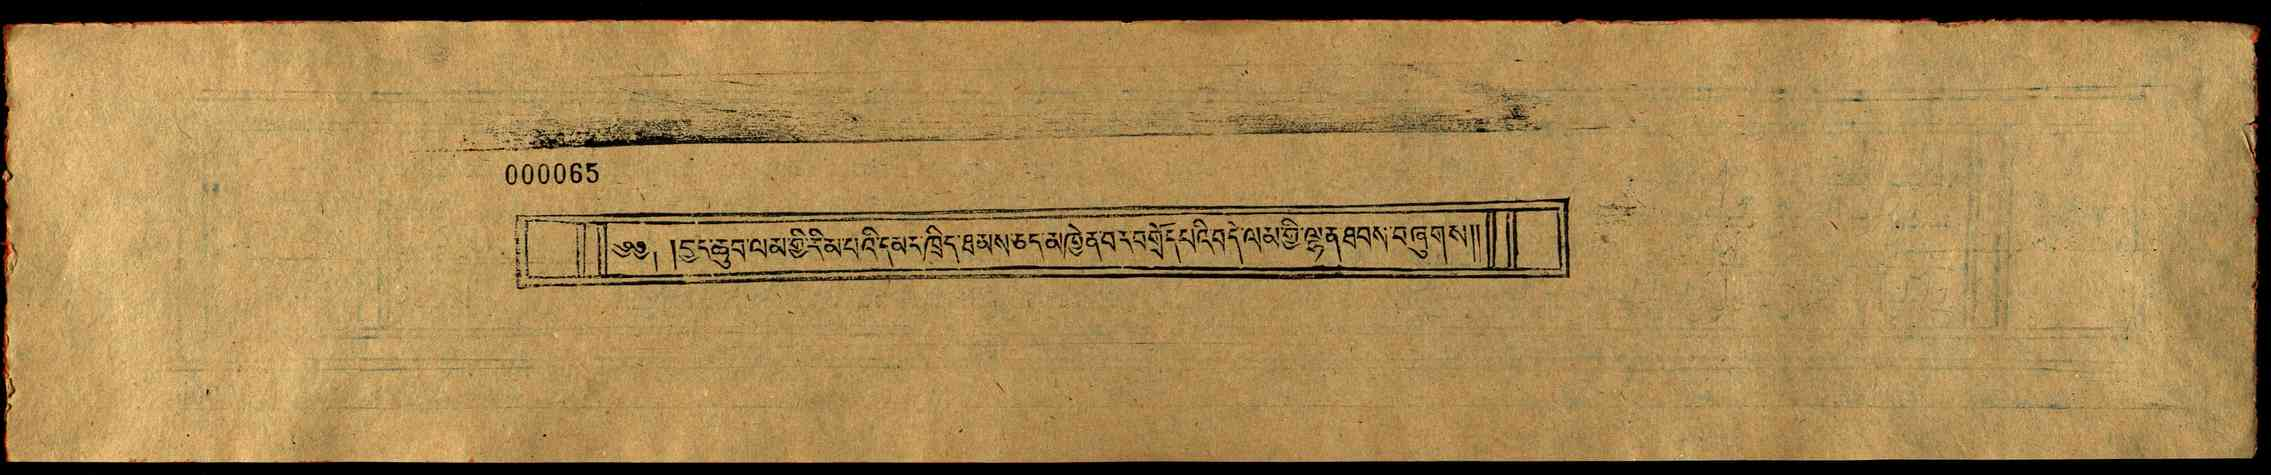༄༅། །བྱང་ཆུབ་ལམ་གྱི་རིམ་པའི་དམར་ཁྲིད་ཐམས་ཅད་མཁྱེན་པར་བགྲོད་པའི་བདེ་ལམ་གྱི་ལྷན་ཐབས་བཞུགས། །